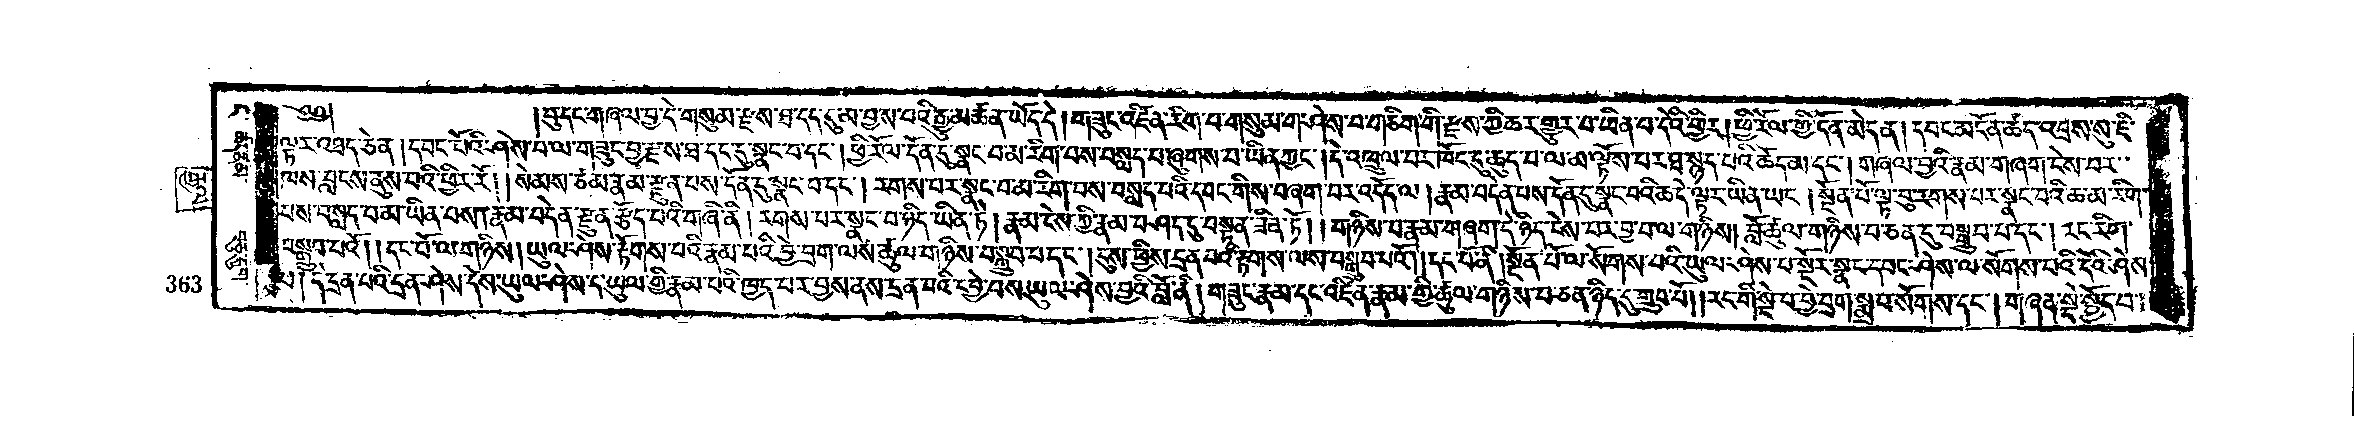༄༅། །བུ་དང་གཞལ་བྱ་དེ་གསུམ་རྫས་ཐ་དད་དུ་ཨ་བྱས་པའི་རྒྱུ་མཚན་ཡོད་དེ། གཟུང་འཛིན་རིག་པ་གསུམ་ག་ཤེས་པ་གཅིག་གི་རྫས་ཀྱི་ཆར་གྱུར་པ་ཡིན་པའི་དེའི་ཕྱིར། ཕྱི་རོལ་གྱི་དོན་མེད་ན། དབང་མངོན་ཚད་འབྲས་སུ་ཇི་
ལྟར་འཐད་ཅེ་ན། དབང་པོའི་ཤེས་པ་ལ་གཟུང་བྱ་རྫས་ཐ་དད་དུ་སྣང་བ་དང་། ཕྱི་རོལ་དོན་དུ་སྣང་བ་མ་རིག་པས་བསླད་པ་ཞུགས་པ་ཡིན་ཀྱང་། དེ་འཕྲུལ་པར་ཁོང་དུ་ཆུད་པ་ལ་མ་ལྟོས་པར་ཐ་སྙད་པའི་ཆོད་མ་དང་། གཞལ་བྱའི་རྣམ་གཞག་ངེས་པར་
ཁས་བླངས་ནུས་པའི་ཕྱིར་རོ། །སེམས་ཙམ་རྣམ་རྫུན་པས་དོན་དུ་སྣང་བ་དང་། རགས་པར་སྣང་བ་མ་རིག་པས་བསླད་པའི་དབང་གིས་བཞག་པར་འདོད་ལ། རྣམ་བདེན་པས་དོན་དུ་སྣང་བའི་ཆ་དེ་ལྟར་ཡིན་ཡང་། སྔོན་པོ་ལྟ་བུ་རགས་པར་སྣང་བའི་ཆ་མ་རིག་
པས་བསླད་པ་མ་ཡིན་པས། རྣམ་བདེན་རྫུན་རྩོད་པའི་གཞི་ནི། རགས་པར་སྣང་བ་ཉིད་ཡིན་ཏེ། རྣམ་ངེས་ཀྱི་རྣམ་བཤད་དུ་བསྟན་ཟིན་ཏེ། གཉིས་པ་རྣམ་གཞག་དེ་ཉིད་ངེས་པར་བྱ་བ་ལ་གཉིས། བློ་ཚུལ་གཉིས་པ་ཅན་དུ་བསྒྲུབ་པ་དེ་དང་། རང་རིག་
བསྒྲུབ་པའོ། །དང་པོ་ལ་གཉིས། ཡུལ་ཤེས་རྟོགས་པའི་རྣམ་པའི་བྱེ་བྲག་ལས་ཚུལ་གཉིས་བསྒྲུབ་པ་དང་། དུས་ཕྱིར་དྲན་པའི་རྟགས་ལས་བསྒྲུབ་པའོ། །དང་པོ་ནི། སྔོན་པོ་ལ་སོགས་པའི་ཡུལ་ཤེས་པ་སྔོར་སྣང་དབང་ཤེས་ལ་སོགས་པའི་དེའི་ཤེས་
པ། དེ་དྲན་པའི་དན་ཤེས་དེས་ཡུལ་ཤེས་ད་ཡུལ་གྱི་རྣམ་པའི་ཁྱད་པར་བྱས་ནས་དྲན་པའི་དབྱེ་བས་ཡུལ་ཤེས་བྱའི་བློ་ནི། གཟུང་རྣམ་དང་འཛིན་རྣམ་གྱི་ཚུལ་གཉིས་པ་ཅན་ཉིད་དུ་གྲུབ་པོ། རང་གི་སྡེ་པ་བྱེ་བྲག་སྨྲ་བ་སོགས་དང་། གཞན་སྡེ་སྦྱོད་པ་